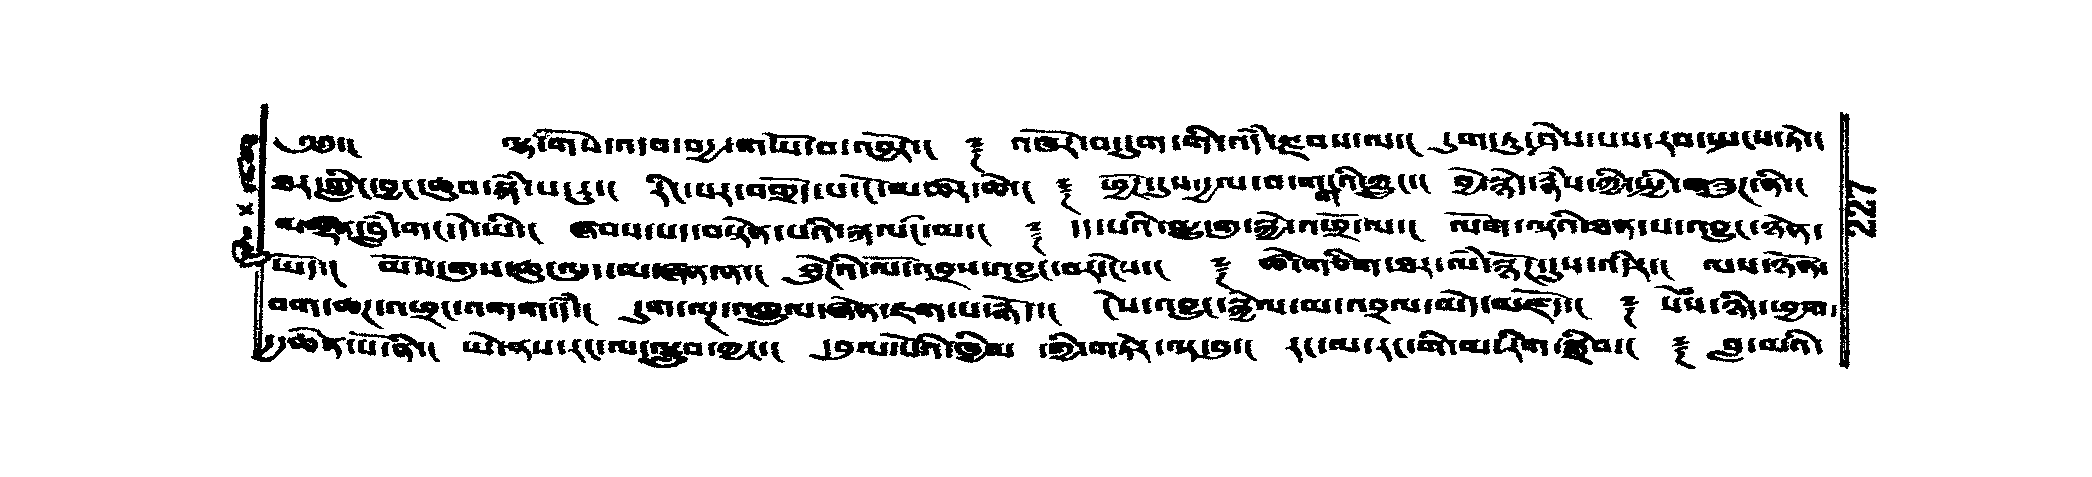།ལྷ་གོས་འདབ་བརྒྱ་གཡོ་བ་འབྱོར། ༈ འཁོར་བ་དུག་གི་འདམ་རྫབ་ལ། །དུག་ཏུ་ཤེས་པས་རབ་སྤངས་ཏེ། །
ཐར་གླིང་བྱང་ཆུབ་སྐམ་ས་རུ། །རིང་པར་བགྲོད་པ་ངོ་མཚར་ཆེ། ༈ ཕྱོགས་དུས་རྒྱལ་བ་གངྒའི་ཀླུང་། །བྱེ་སྙེད་རྣམས་ཀྱི་སྤྱི་གཟུགས་ནི། །
མཚན་ལྡན་བླ་མ་གང་དེ་ཡི། །ཞབས་པད་བསྟེན་པའི་སྐལ་ལྡན་མ། ༈ དད་པའི་མྱུ་གུ་སྐྱེ་འཕྲོ་ལ། །ལོག་ལྟའི་ཐན་པ་འབྱུང་ཉེན་
ཡོད། །མོས་གུས་ཆུ་ལུད་མ་ཞན་ན། །ཐུགས་རྗེ་ལོ་འབྲས་འབྱུང་བར་ངེས། ༈ ཚེ་གཅིག་ཐར་ལམ་སྙོགས་དུས་འདིར། །ལས་ཉོན་
བག་ཆགས་འཕྲང་འགག་དམ། །དུག་ལྔ་འཁྲུལ་ཞེན་ཇག་པ་རྒོད། ངེས་འབྱུང་སྐྱེལ་མ་འབྲལ་མེད་མཛོད། ༈ སེམས་ཉིད་ཕྱག་
རྒྱ་ཆེན་པོ་ནི། །ཡེ་ནས་རང་ལ་ལྷུན་གྲུབ་ཀྱང་། །དབུལ་པོའི་ཁྱིམ་གྱི་གཏེར་ལྟ་བུ། །རང་ལ་རང་གི་མ་རིག་འསྒྲིབས། ༈ བླ་མའི་